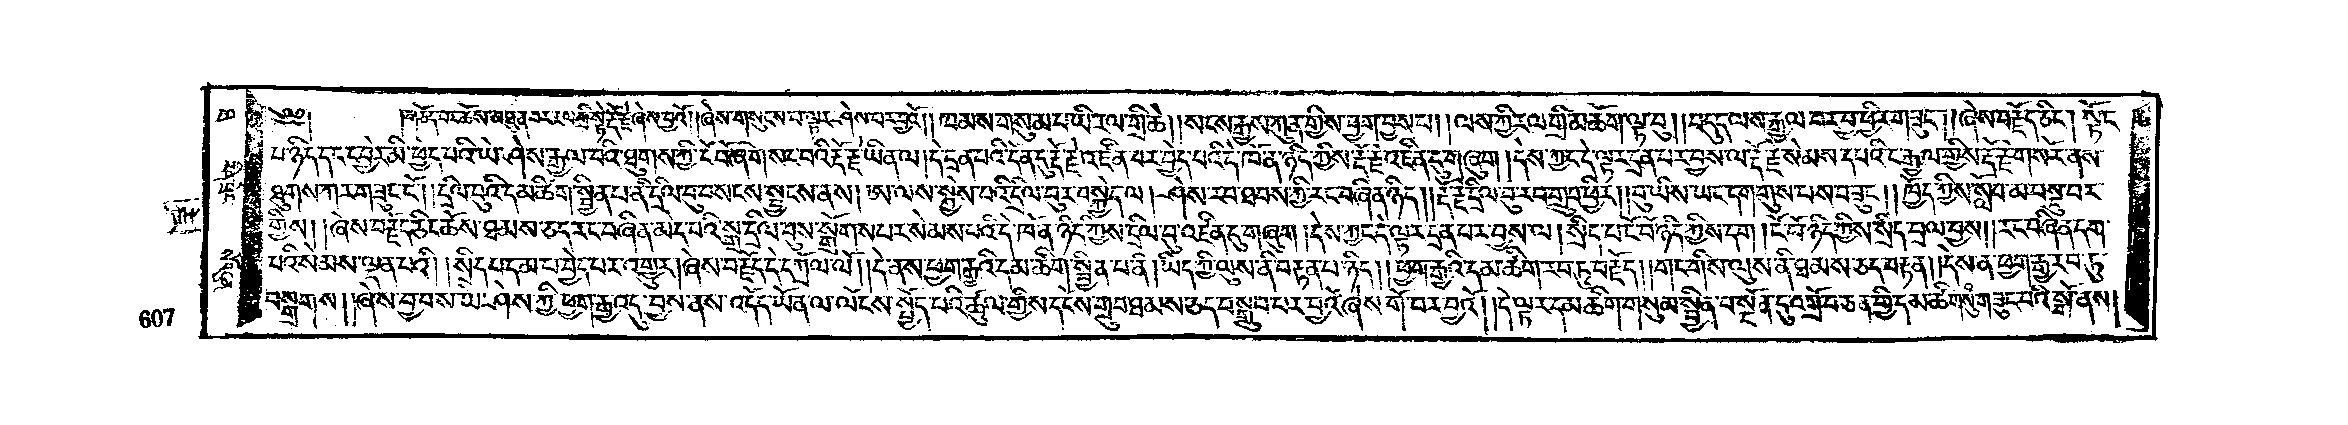༄༅། །གཅོད་པར་ཆོས་མཐུན་པར་རལ་གྲི་སྟེ་རྡོ་རྗེ་ཞེས་བྱའོ། །ཞེས་གསུངས་པ་ལྟར་ཤེས་པར་བྱའོ། །ཁམས་གསུམ་པ་ཡི་རལ་གྲི་ཆེ། །སངས་རྒྱས་ཀུན་གྱིས་ཕྱག་བྱས་པ། །ལས་ཀྱི་རལ་གྲི་མཆོག་ལྟ་བུ། །བདུད་ལས་རྒྱལ་བར་བྱ་ཕྱིར་གཟུང་། །ཞེས་བརྗོད་ཅིང་། སྟོང་
པ་ཉིད་དང་དབྱེར་མི་ཕྱེད་པའི་ཡེ་ཤེས་རྒྱལ་བའི་ཐུགས་ཀྱི་ངོ་བོ་ནི་གསང་བའི་རྡོ་རྗེ་ཡིན་ལ། དེ་དྲན་པའི་དོན་དུ་རྡོ་རྗེ་འཛིན་པར་བྱེད་པའི་དེ་ཁོ་ན་ཉིད་ཀྱིས་རྡོ་རྗེ་འཛིན་དུ་གཞུག །དེས་ཀྱང་དེ་ལྟར་དྲན་པར་བྱས་ལ་རྡོ་རྗེ་སེམས་དཔའི་ང་རྒྱལ་གྱིས་རྡོ་རྗེ་གསོར་ནས་
ཐུགས་ཀར་གཟུང་ངོ། །དྲིལ་བུའི་དམ་ཚིག་སྦྱིན་པ་ནི་དྲིལ་བུ་བསངས་སྦྱངས་ནས། ཨ་ལས་སྐྱེས་བའི་དྲིལ་བུར་བསྐྱེད་ལ། ཤེས་རབ་ཐབས་ཀྱི་རང་བཞིན་ཉིད། །རྡོ་རྗེ་དྲིལ་བུ་རབ་གྲུབ་ཕྱིར། །བུ་ཡིས་ཡང་དག་གུས་པས་བཟུང་། །ཁྱོད་ཀྱིས་སློབ་མ་བསྡུ་བར་
གྱིས། །ཞེས་བརྗོད་ཅིང་ཆོས་ཐམས་ཅད་རང་བཞིན་མེད་པའི་སྒྲ་དྲིལ་བུས་སྒྲོགས་པར་སེམས་པའི་དེ་ཁོ་ན་ཉིད་ཀྱིས་དྲིལ་བུ་འཛིན་དུ་གཞུག །དེས་ཀྱང་དེ་ལྟར་དྲན་པར་བྱས་ལ། སྲིད་པ་ངོ་བོ་ཉིད་ཀྱིས་དག །ངོ་བོ་ཉིད་ཀྱིས་སྲིད་བྲལ་བྱས། །རང་བཞིན་དག་
པའི་སེམས་ལྡན་པའི། །སྲིད་པ་དམ་པ་བྱེད་པར་འགྱུར། ཞེས་བརྗོད་དེ་དཀྲོལ་ལོ། །དེ་ནས་ཕྱག་རྒྱའི་དམ་ཚིག་སྦྱིན་པ་ནི། ཡིད་ཀྱི་ལུས་ནི་བརྟན་པ་ཉིད། །ཕྱག་རྒྱའི་དམ་ཚིག་རབ་ཏུ་བརྗོད། །གང་གིས་ལུས་ནི་ཐམས་ཅད་བརྟན། །དེས་ན་ཕྱག་རྒྱ་རབ་ཏུ་
བསྒྲགས། །ཞེས་བྱ་བས་ཡེ་ཤེས་ཀྱི་ཕྱག་རྒྱ་འདུ་བྱས་ནས་འདོད་ཡོན་ལ་ལོངས་སྤྱོད་པའི་ཚུལ་གྱིས་དངོས་གྲུབ་ཐམས་ཅད་བསྒྲུབ་པར་བྱའོ་ཞེས་གོ་བར་བྱའོ། །དེ་ལྟར་དམ་ཚིག་གསུམ་སྦྱིན་པ་སྔོན་དུ་འགྲོ་བ་ཅན་གྱི་དམ་ཚིག་གསུཾ་གཟུང་བའི་སྒོ་ནས།